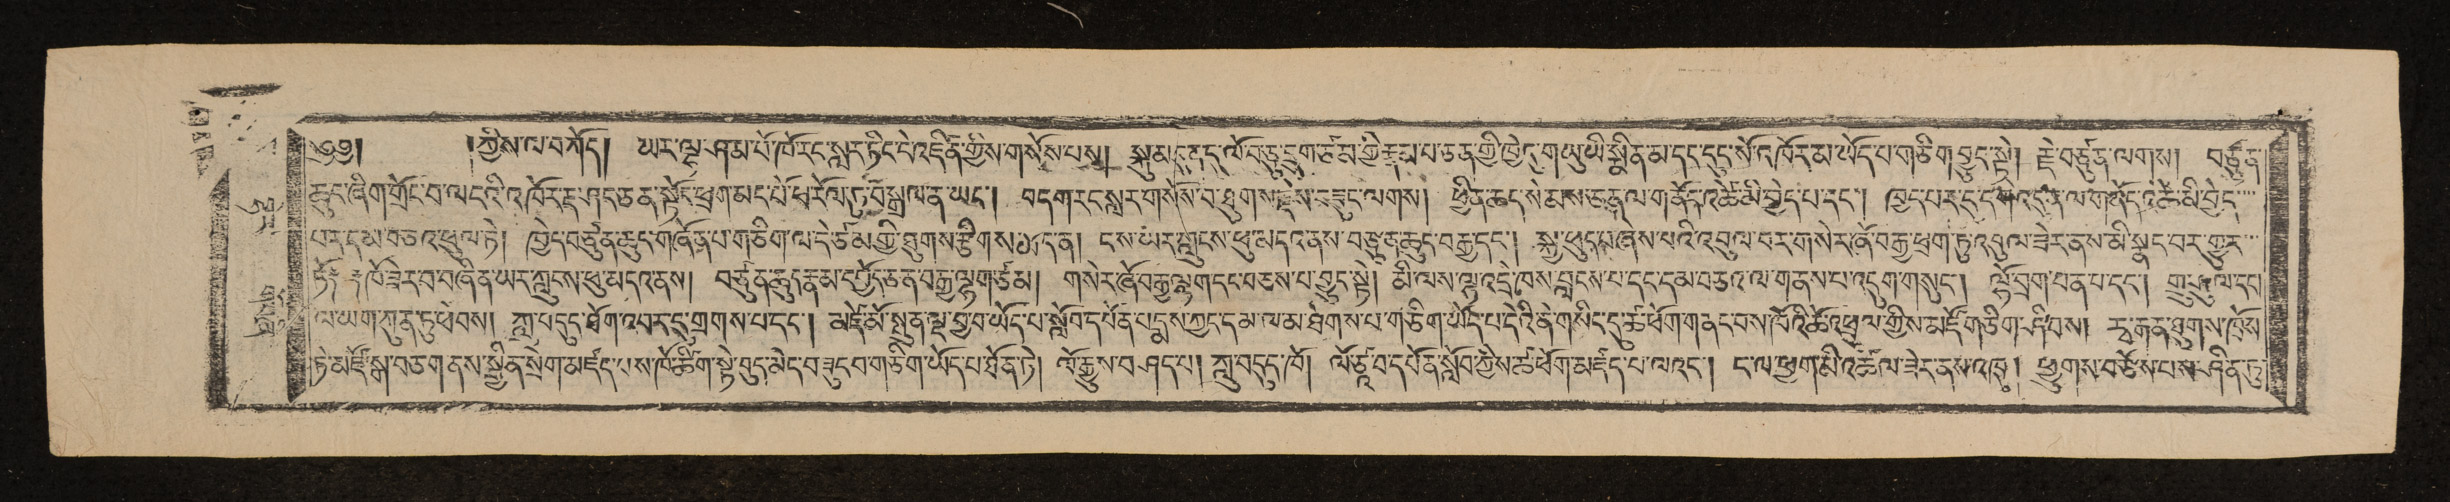༄༅། །ཀྱིས་ལ་བཀོད། ཡར་ལྷ་ཤམ་པོ་ཁོ་རང་སླར་ཏིང་ངེ་འཛིན་གྱིས་གསོས་པས། སྐུ་མདུན་དུ་ལོ་བཅུ་དྲུག་ཙམ་གྱི་རྣམ་པ་ཅན་གྱི་ཁྱེའུ་གཡུ་ཡི་སྨིན་མ་དང་དུང་སོ་འཁོར་མ་ཡོད་པ་གཅིག་བྱུང་སྟེ། རྗེ་བཙུན་ལགས། བཙུན་
ཆུང་ཞིག་གྲོང་བ་ལ་ངའི་འཁོར་རྡ་ཤང་ཅན་སྟོང་ཕྲག་མང་པོ་ཕ་རོལ་ཏུ་བསྒྲལ་ན་ཡང་། བདག་རང་སླར་གསོས་བ་ཐུགས་རྗེས་བཟུང་ལགས། ཕྱིན་ཆད་སེམས་ཅན་ལ་གནོད་འཚེ་མི་བྱེད་པ་དང་། ཁྱད་པར་དུ་དགེ་འདུན་ལ་གནོད་འཚེ་མི་བྱེད་
པར་དམ་བཅའ་ཕུལ་ཏེ། ཁྱེད་བཙུན་ཆུང་གཞོན་པ་གཅིག་ལ་དེ་ཙམ་གྱི་ཐུགས་རྩིགས་ཡོད་ན། ངས་ཡར་ཀླུངས་ཕུ་མདའ་ནས་བཙུན་ཆུང་བརྒྱ་དང་། སྐྱ་ཕུད་བཞེས་པའི་འབུལ་བར་གསེར་ཞོ་བརྒྱ་ཕྲག་ཏུ་འབུལ་ཟེར་ནས་མི་སྣང་བར་གྱུར་
ཏོ༑ ༑ཁོ་ཟེར་བ་བཞིན་ཡར་ཀླུངས་ཕུ་མདའ་ནས། བཙུན་ཆུང་རྣམ་དཔྱོད་ཅན་བརྒྱ་ལྷག་ཙམ། གསེར་ཞོ་བརྒྱ་ལྷག་དང་བཅས་པ་བྱུང་སྟེ། མི་ལས་ལྷ་འདྲེ་ཁས་བླངས་པ་དང་དམ་བཅའ་ལ་གནས་པ་འདུག་གསུང་། ལྷོ་བྲག་བན་པ་དང་། གྲུ་ཤུལ་དང་
ལ་ཡག་ཀུན་ཏུ་ཕེབས། ཀླུ་བདུང་ཐོག་འབར་དུ་གྲགས་པ་དང་། མཛེ་མོ་སྤུན་ལྔ་བྱ་བ་ཡོད་པ་སློབ་དཔོན་པདམས་ཀྱང་དམ་ལ་མ་ཐོགས་པ་གཅིག་ཡོད་པ་དེའི་ནེ་གསིང་དུ་ཚ་ཕོག་གནང་བས་ཁོའི་ཆོ་འཕྲུལ་གྱིས་མཛོ་གཅིག་ཤིབས། རྭ་རྒན་ཐུགས་ཁྲོས་
ཏེ་མཛོ་སྒ་བཅག་ནས་སྤྱིན་སྲེག་མཛད་པས་ཁོ་ཚིག་སྟེ་བུད་མེད་བཟུང་བ་གཅིག་ཡོད་པ་ཐོན་ཏེ། ལོ་རྒྱུས་བཤད་པ། ཀླུ་བདུད་ཁོ། ལོ་ཙཱ་བ་དཔོན་སློབ་གྱིས་ཚ་ཕོག་མཛད་པ་ལའང་། ང་ལ་ཕྱག་མི་འཚལ་ཟེར་ནས་འཁུ། ཕྱུགས་བཙོས་པས་ཤིན་ཏུ་